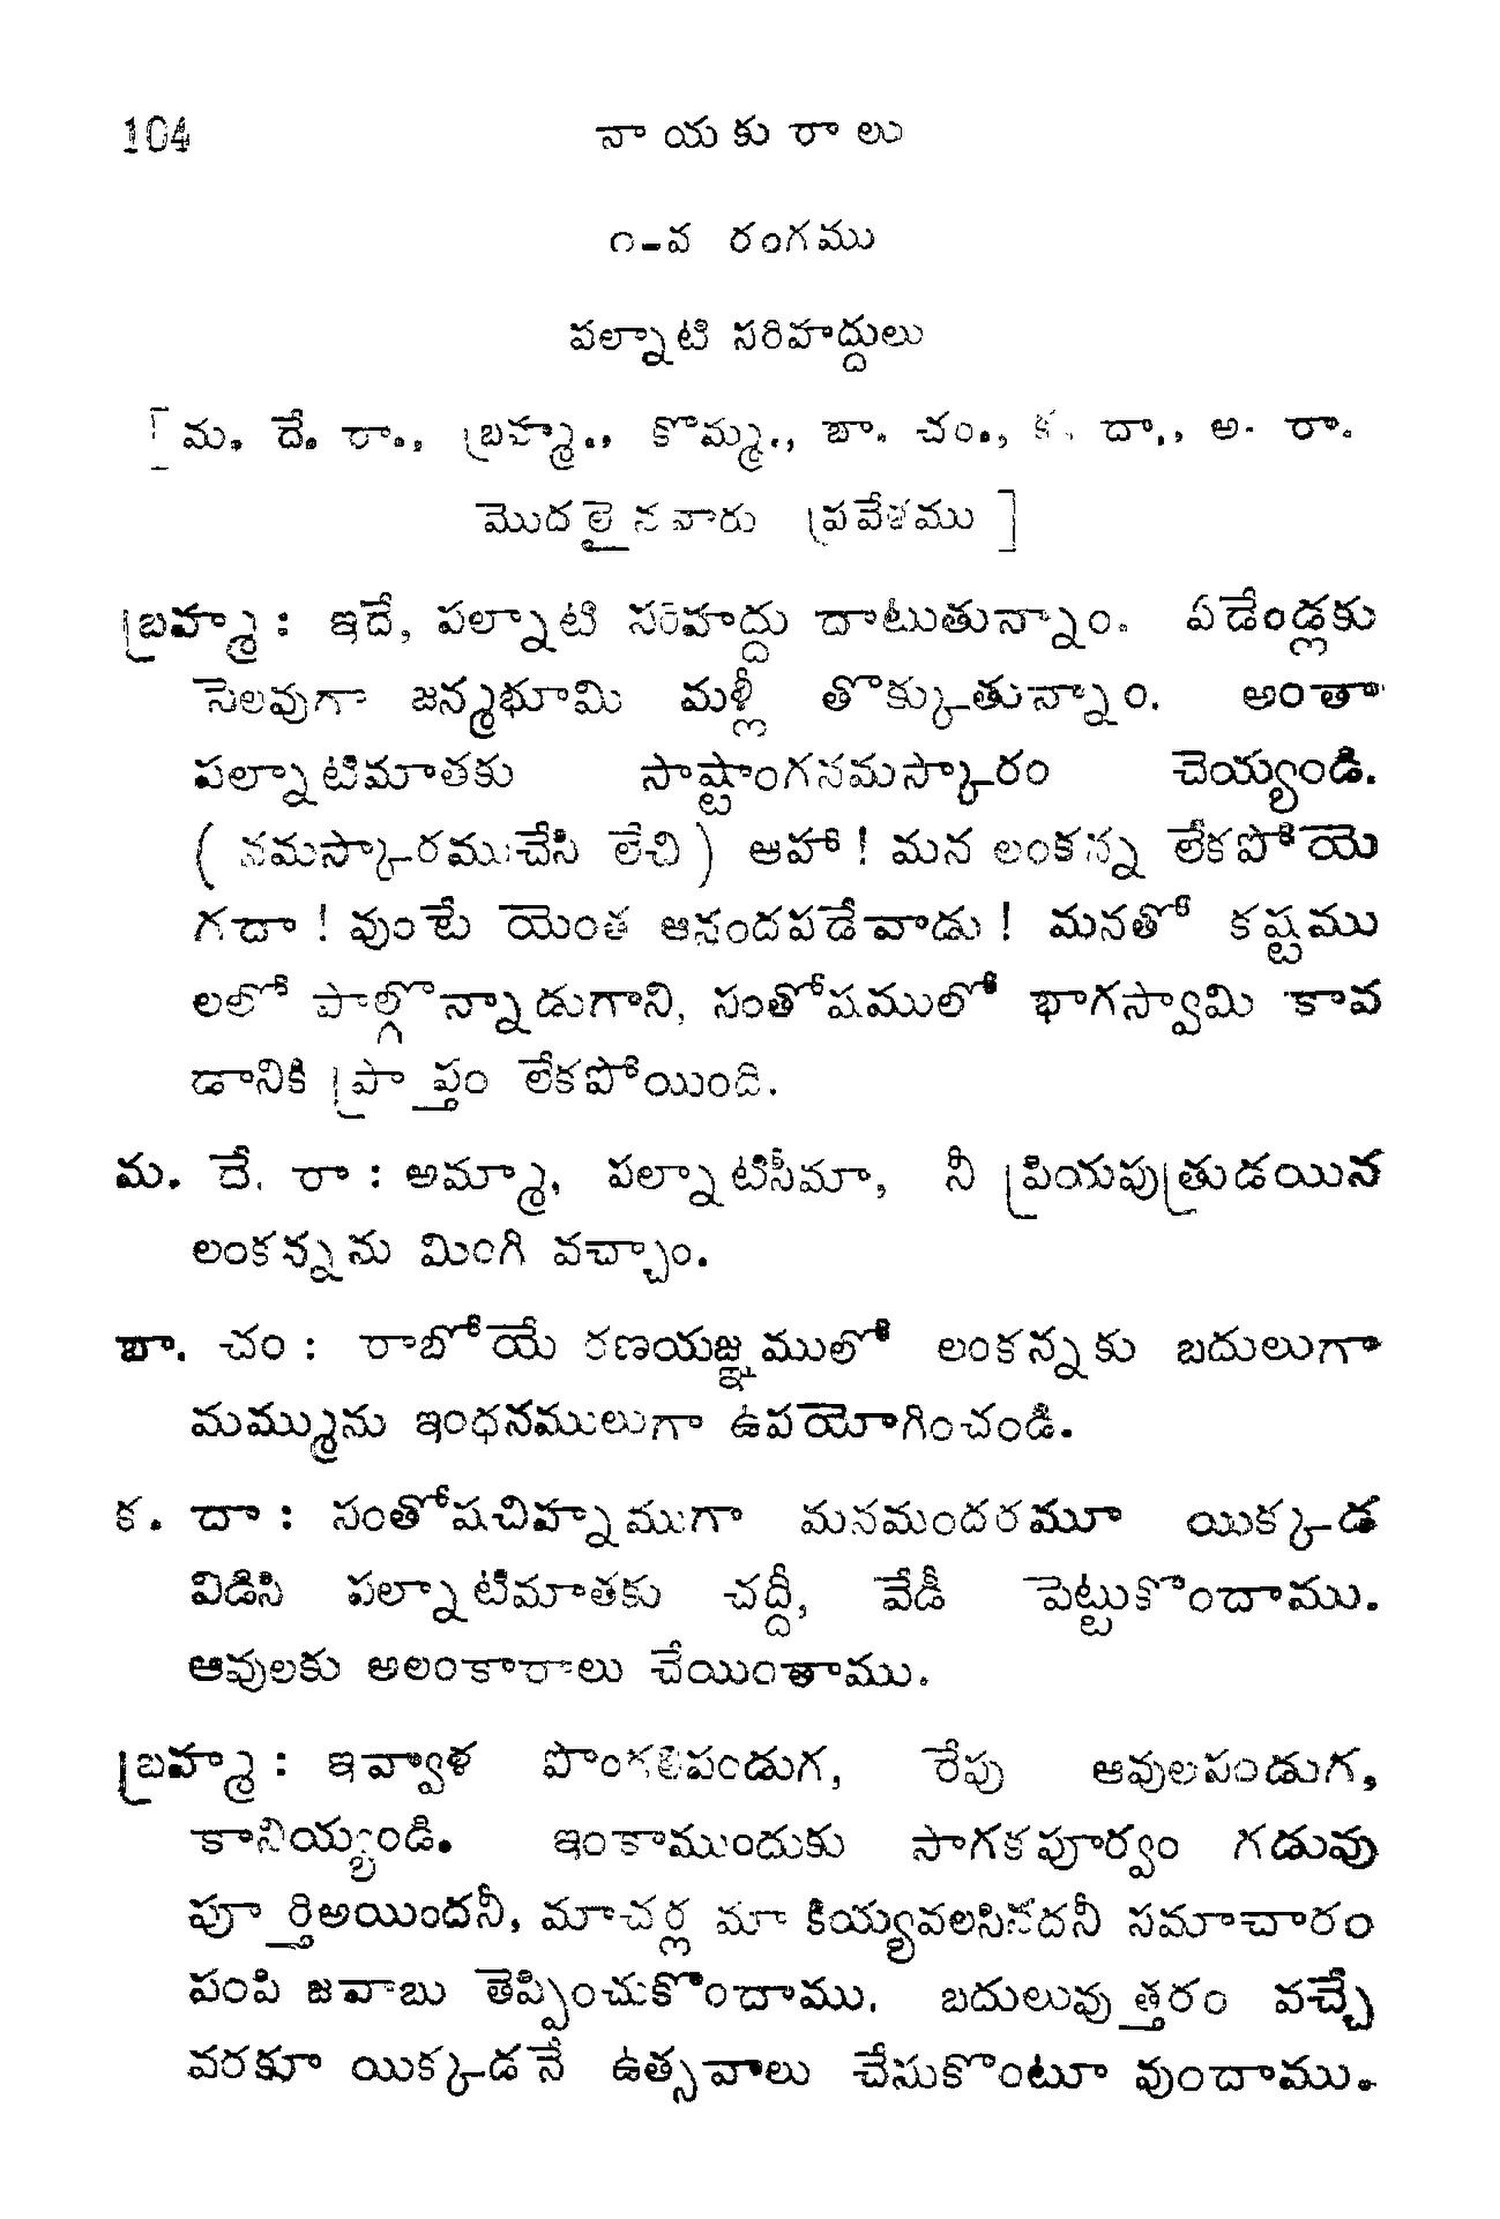బ్రహ్మ : ఇదే, పల్నాటి సరిహద్దు దాటుతున్నాం. ఏడేండ్లకు సెలవుగా జన్మభూమి మళ్లీ తొక్కుతున్నాం.
అంతా పల్నాటిమాతకు సాష్టాంగనమస్కారం చెయ్యండి. ( నమస్కారము చేసి లేచి) ఆహా ! మన లంకన్న లేకపోయెగదా! వుంటే యెంత ఆనందపడేవాడు ! మనతో కష్టములలో పాల్గొన్నాడుగాని, సంతోషములో భాగస్వామి కావడానికి ప్రాప్తం లేకపోయింది.

మ. దే. రా : అమ్మా, పల్నాటిసీమా, నీ ప్రియపుత్రుడయిన లంకన్నను మింగి వచ్చాం.

బా. చం : రాబోయే రణయజ్ఞములో లంకన్నకు బదులుగా మమ్మును ఇంధనములుగా ఉపయోగించండి.

క. దా : సంతోషచిహ్నముగా మనమందరమూ యిక్కడ విడిసి పల్నాటిమాతకు చద్దీ, వేడీ
వేడిపెట్టుకొందాము. ఆవులకు అలంకారాలు చేయింతాము.

బ్రహ్మ : ఇవ్వాళ పొంగలిపండుగ, రేపు ఆవులపండుగ, కానియ్యండి. ఇంకాముందుకు సాగకపూర్వం గడువు పూర్తిఅయిందనీ, మాచర్ల మా కియ్యవలసినదనీ సమాచారం పంపి జవాబు తెప్పించు కొందాము. బదులువుత్తరం వచ్చేవరకూ యిక్కడనే ఉత్సవాలు చేసుకొంటూ వుందాము.